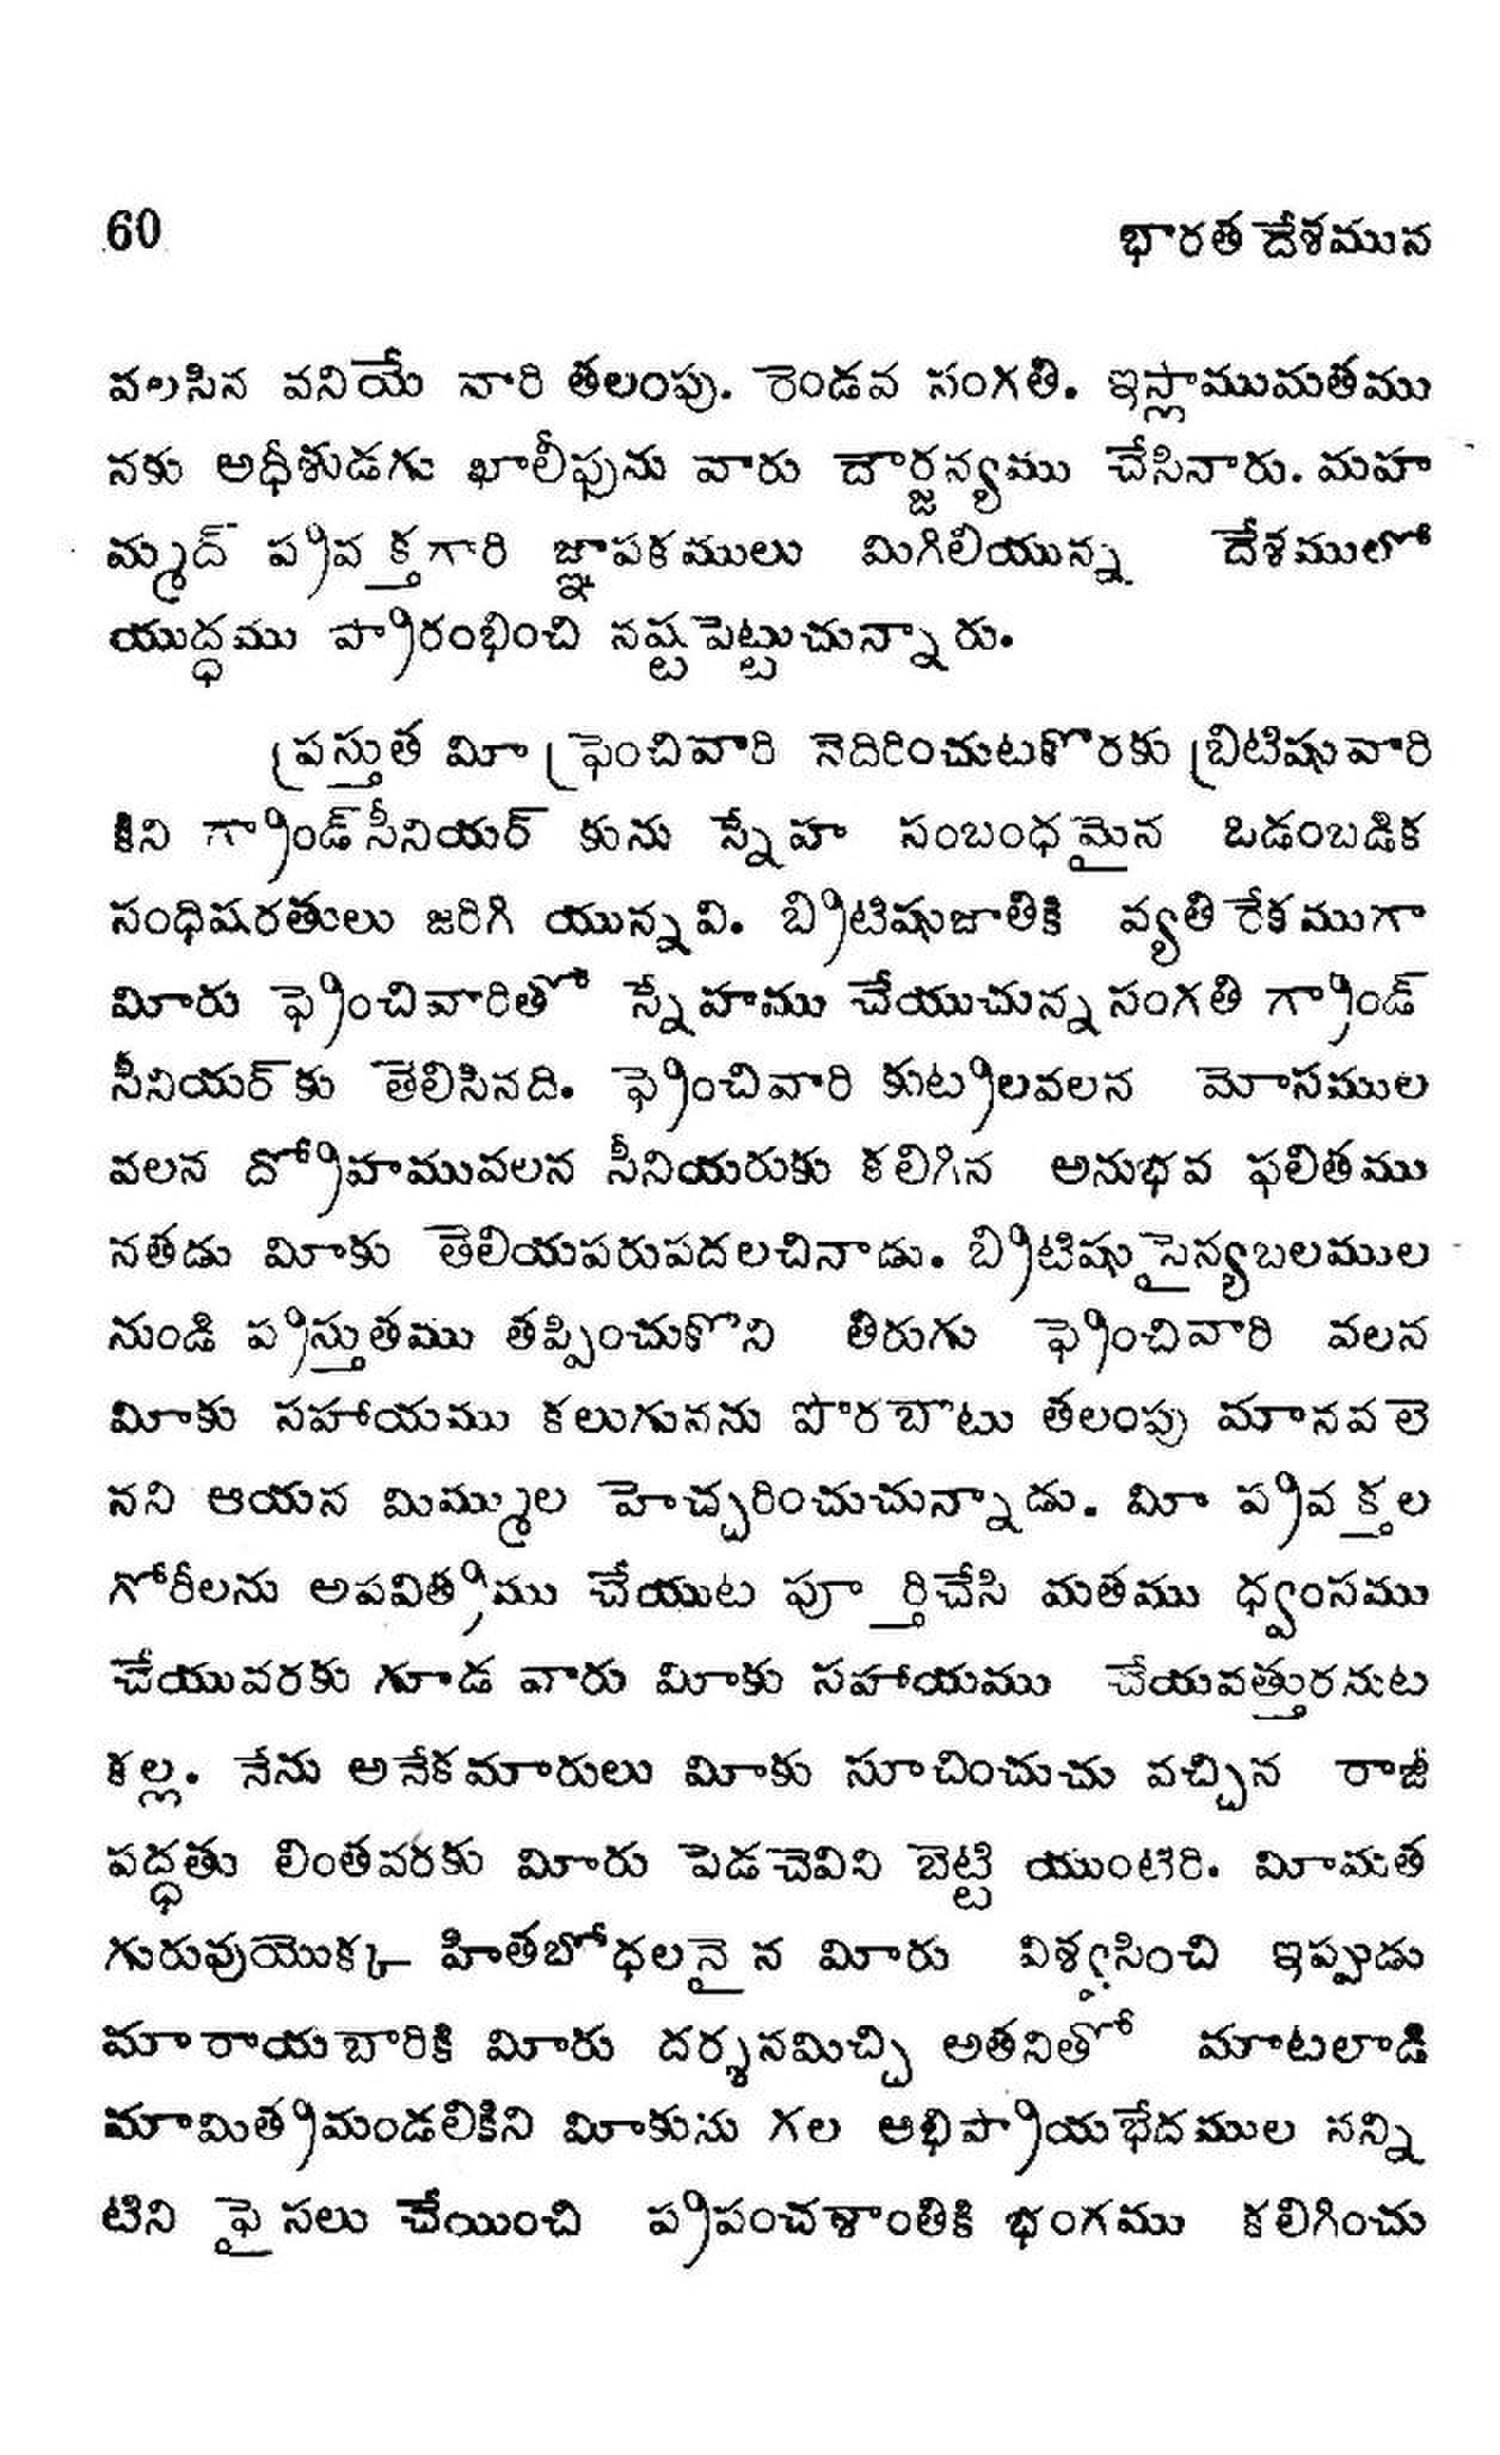వలసిన వనియే వారి తలంపు. రెండవ సంగతి. ఇస్లాముమతమునకు అధీశుడగు ఖాలీఫును వారు దౌర్జన్యము చేసినారు. మహమ్మద్ ప్రవక్తగారి జ్ఞాపకములు మిగిలియున్న దేశములో యుద్ధము ప్రారంభించి నష్టపెట్టుచున్నారు.

ప్రస్తుత మీ ఫ్రెంచివారి నెదిరించుటకొరకు బ్రిటిషువారికిని గ్రాండ్ సీనియర్ కును స్నేహ సంబంధమైన ఒడంబడిక సంధిషరతులు జరిగి యున్నవి. బ్రిటిషుజాతికి వ్యతిరేకముగా మీరు ఫ్రెంచివారితో స్నేహము చేయుచున్నసంగతి గ్రాండ్
సీనియర్ కు తెలిసినది. ఫ్రెంచివారి కుట్రలవలన మోసముల వలన ద్రోహమువలన సీనియరుకు కలిగిన అనుభవ ఫలితము నతడు మీకు తెలియపరుపదలచినాడు. బ్రిటిషుసైన్యబలముల నుండి ప్రస్తుతము తప్పించుకొని తిరుగు ఫ్రెంచివారి వలన మీకు సహాయము కలుగునను పొరబాటు తలంపు మానవలెనని ఆయన మిమ్ముల హెచ్చరించుచున్నాడు. మీ ప్రవక్తల గోరీలను అపవిత్రము చేయుట పూర్తిచేసి మతము ధ్వంసము చేయువరకు గూడ వారు మీకు సహాయము చేయవత్తురనుట కల్ల. నేను అనేకమారులు మీకు సూచించుచు వచ్చిన రాజీ పద్దతు లింతవరకు మీరు పెడచెవిని బెట్టి యుంటిరి. మీమత గురువుయొక్క హితబోధలనైన మీరు విశ్వసించి ఇప్పుడు మారాయబారికి మీరు దర్శనమిచ్చి అతనితో మాటలాడి మామిత్రమండలికిని మీకును గల అభిప్రాయభేదముల నన్నిటిని ఫైసలు చేయించి ప్రపంచశాంతికి భంగము కలిగించు